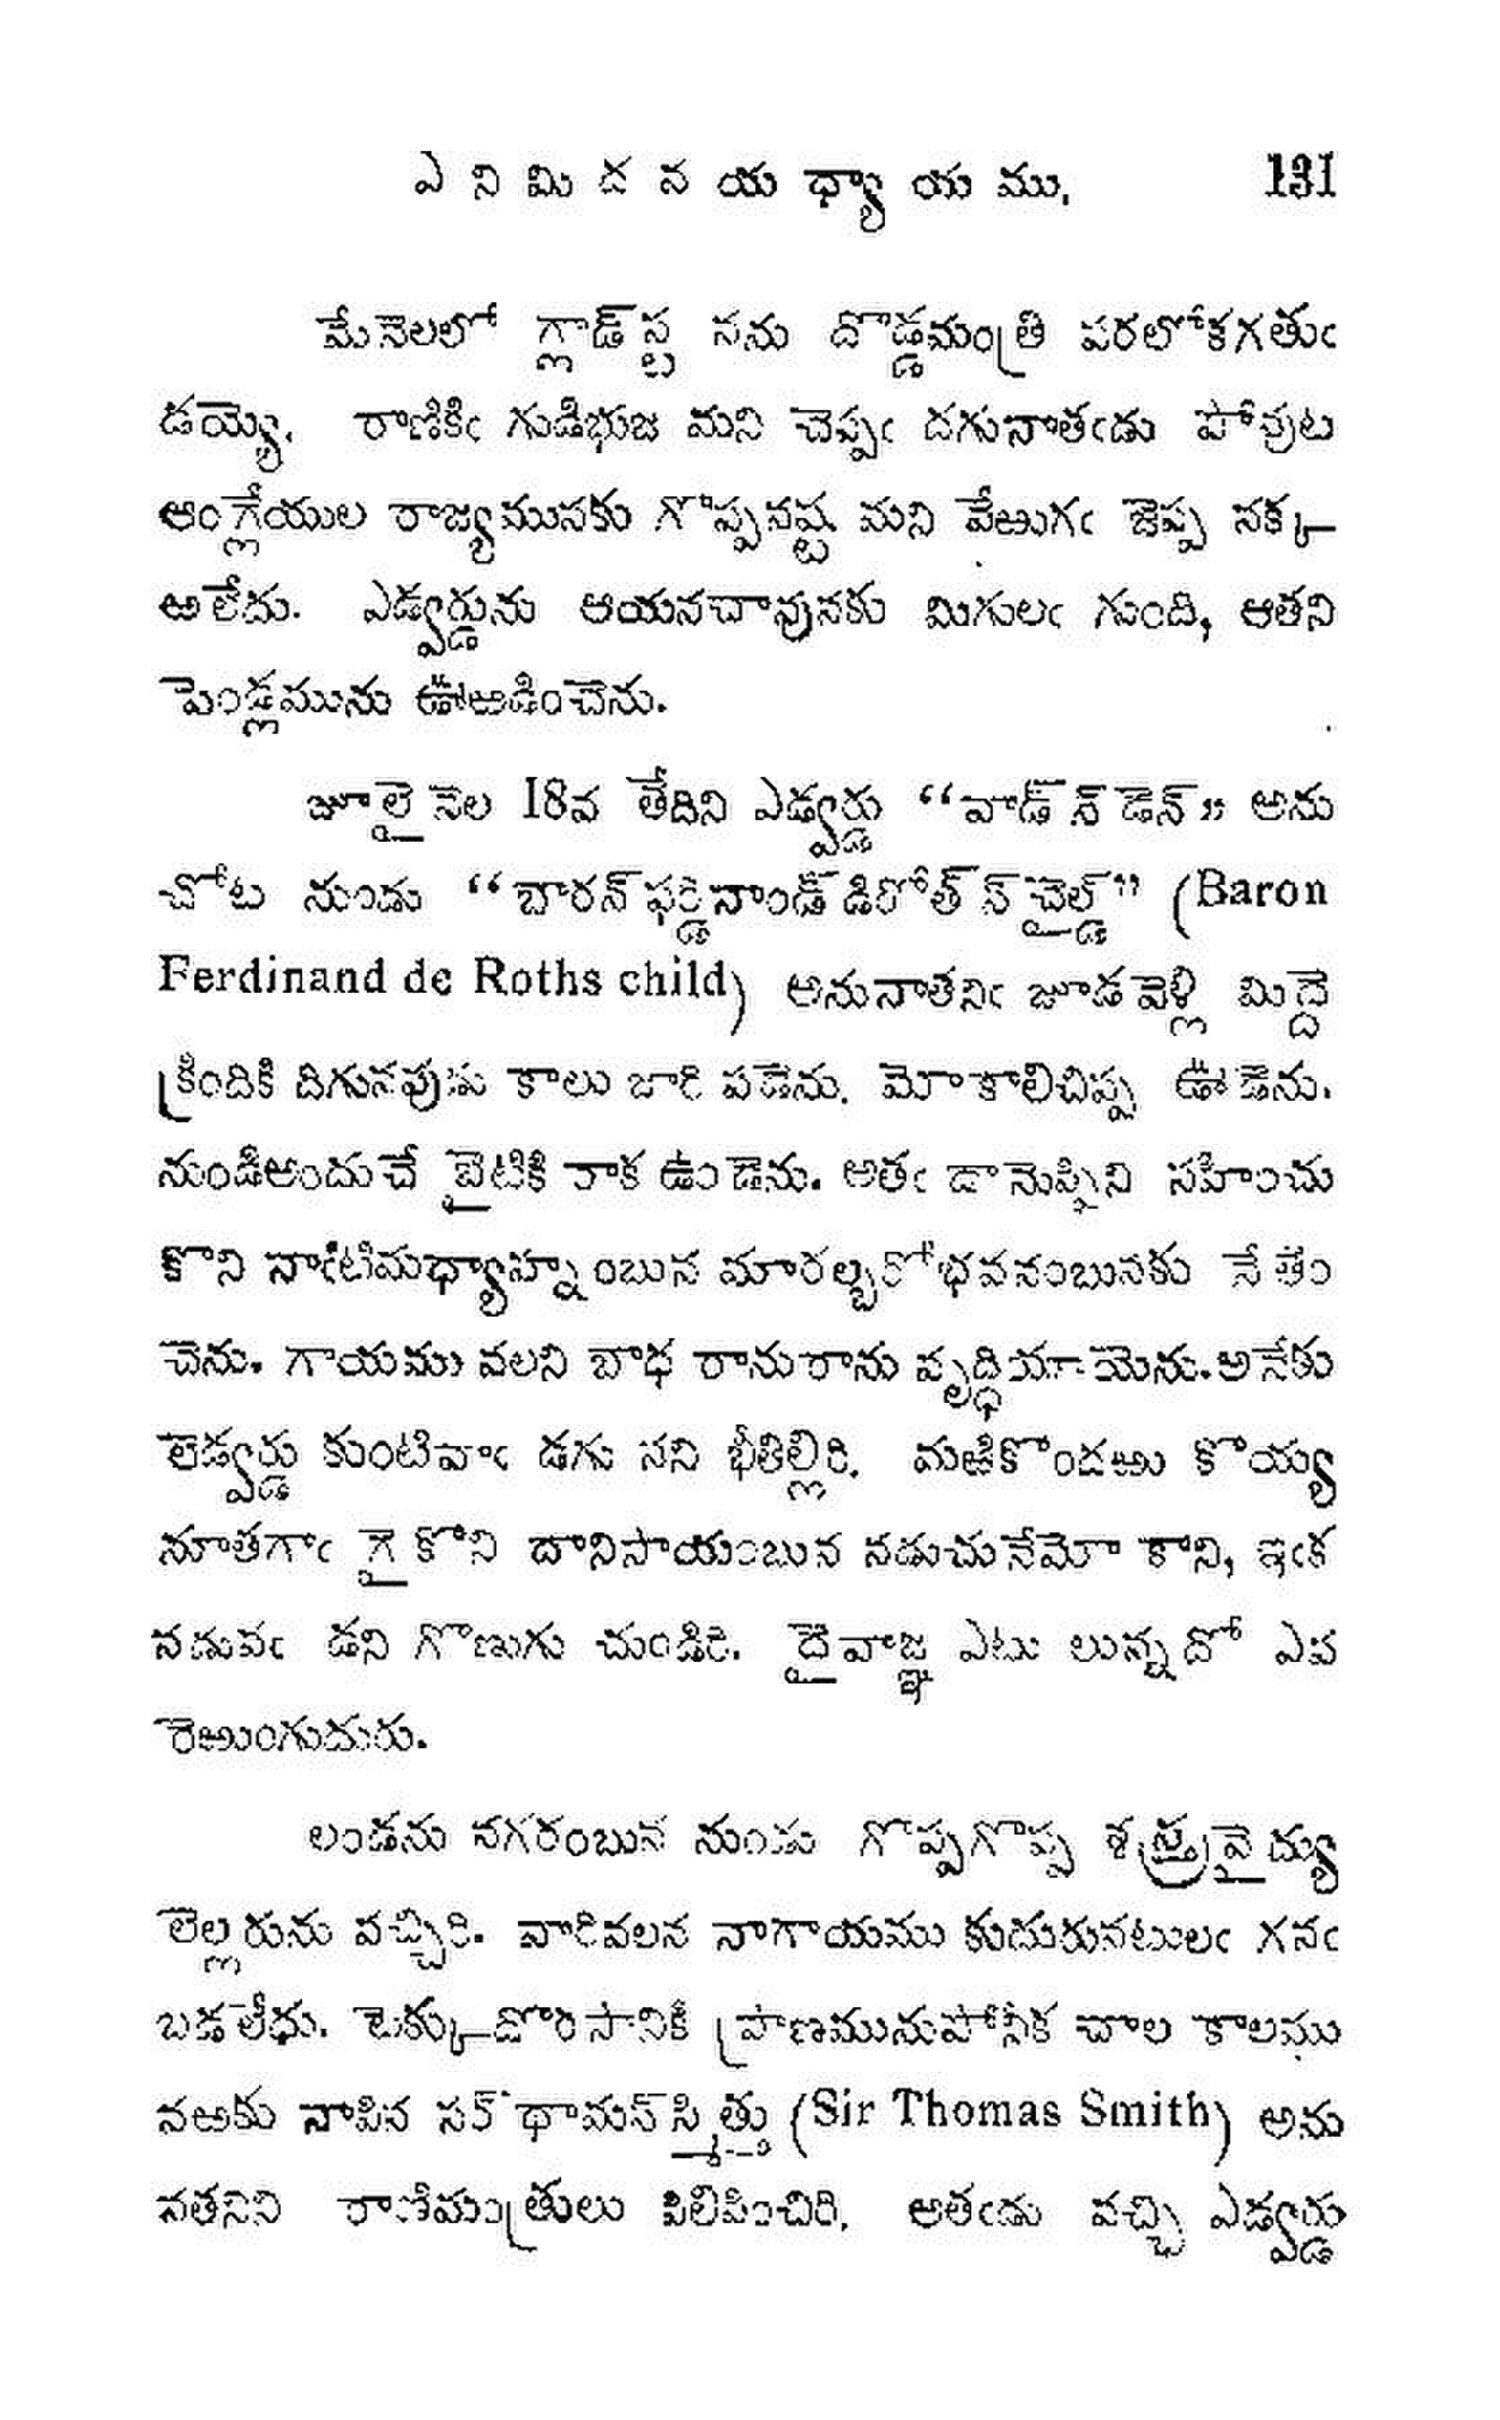మే నెలలో గ్లాడ్ స్టనను దొడ్డమంత్రి పరలోకగతుఁ డయ్యె. రాణికిఁ గుడిభుజ మని చెప్పఁ దగునాతఁడు పోవుట ఆంగ్లేయుల రాజ్యమునకు గొప్ప నష్టమని వేఱుగఁ జెప్ప నక్క ఱలేదు. ఎడ్వర్డును ఆయన చావునకు మిగులఁ గుంది, అతని పెండ్లమును ఊఱడించెను.

జూలై నెల 18వ తేదీని ఎడ్వర్లు "వాడ్ న్ డెస్" అను చోట నుండు “ బారన్ ఫర్డినాండ్ డిరోత్ స్ చైల్డ్ " (Baron Ferdinand de Roths child) అను నాతనిఁ జూడ వెళ్లి మిద్దె క్రిందికి దిగునప్పుడు కాలు జారి పడెను. మోకాలిచిప్ప ఊడెను. నుండి అందుచే బైటికి రాక ఉండెను. అతడా నొప్పిని సహించు కొని నాటి మధ్యాహ్నంబున మారల్బరో భవనంబునకు నేతెం చెను, గాయము వలని బాధ రాను రాను వృద్ధియాయెను.అనేకు లెడ్వర్డు కుంటివాడగు నని భీతిల్లిరి. మఱికొండఱు కోయ్య నూతగాఁ గైకొని దాని సాయంబున నడుచునేమో కాని, ఇక నడువడని గొణుగు చుండిరి. దైవాజ్ఞ ఎటు లున్నదో ఎవ రెఱుంగుదురు.

లండను నగరంబున నుండు గొప్పగొప్ప శస్త్రవైద్యు లెల్లరును వచ్చిరి. వారి వలన నాగాయము కుదురునటులఁ గనఁ బడ లేదు. టెక్కు దొరసానికి ప్రాణమును పోనీక చాల కాలము వఱకు నాపిన సర్ థామస్ స్మిత్తు (Sir Thomas Smith) అను నతనిని రాణి మంత్రులు పిలిపించిరి. అతఁడు వచ్చి ఎడ్వర్డు